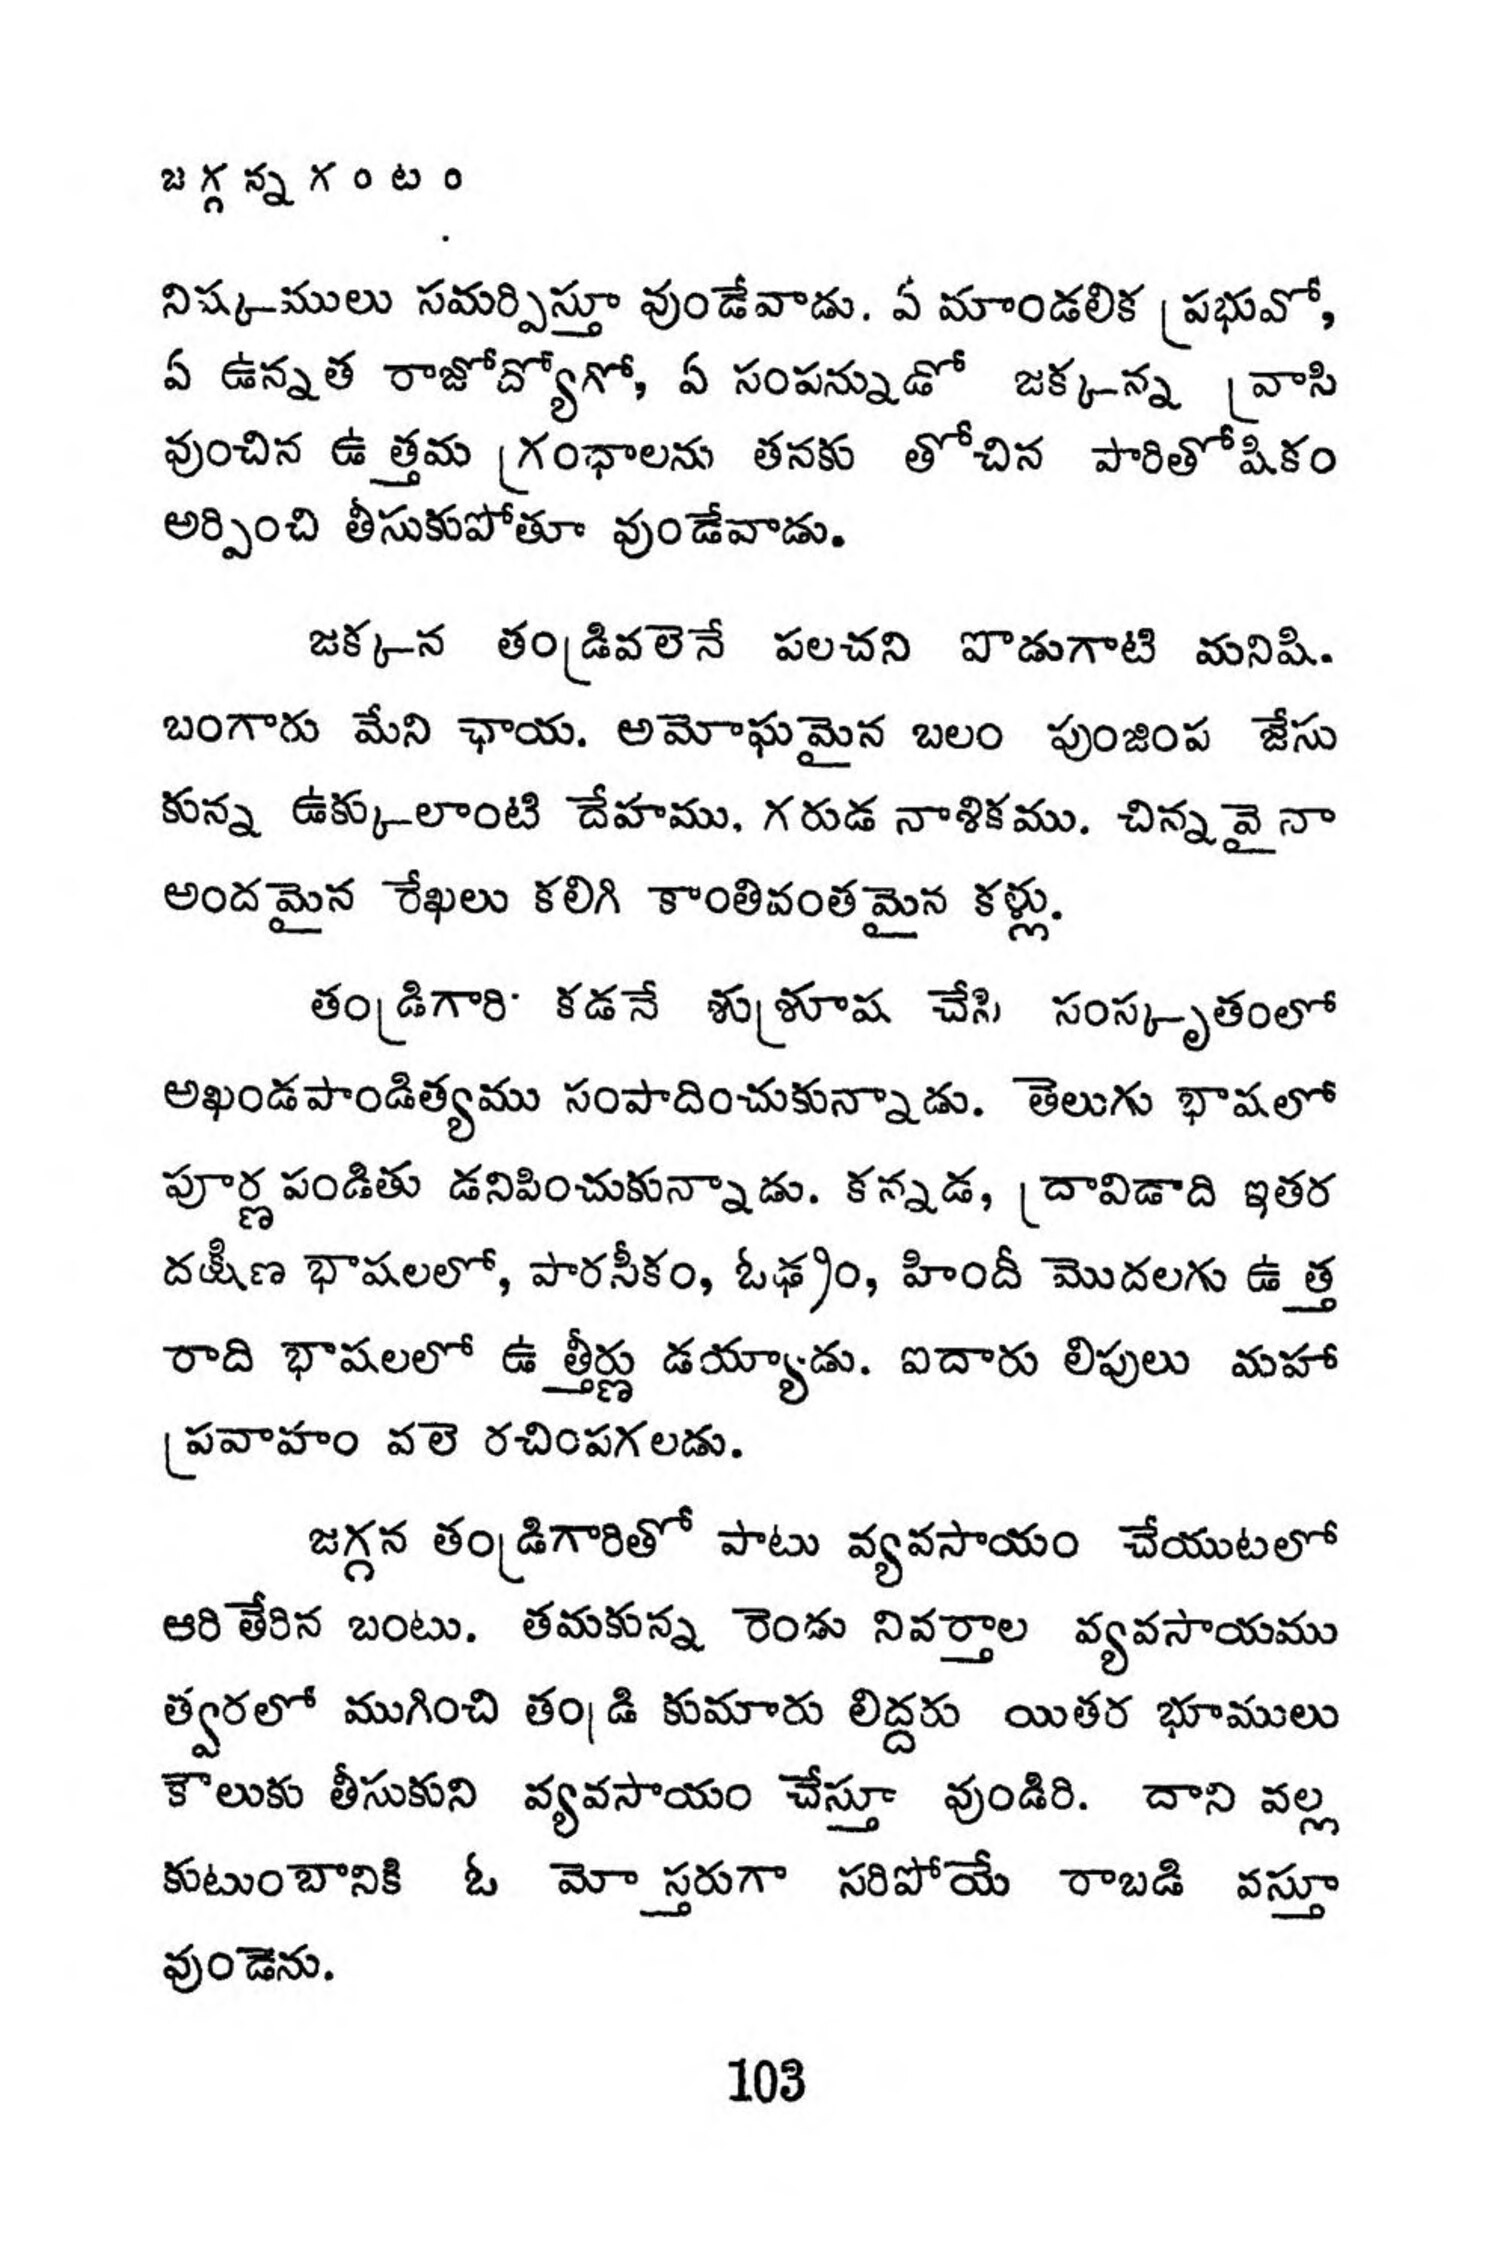నిష్కములు సమర్పిస్తూ వుండేవాడు. ఏ మాండలిక ప్రభువో, ఏ ఉన్నత రాజోద్యోగో, ఏ సంపన్నుడో జక్కన్న వ్రాసి వుంచిన ఉత్తమ గ్రంథాలను తనకు తోచిన పారితోషికం అర్పించి తీసుకుపోతూ వుండేవాడు.

జక్కన తండ్రివలెనే పలచని పొడుగాటి మనిషి. బంగారు మేని ఛాయ. అమోఘమైన బలం పుంజింప జేసుకున్న ఉక్కులాంటి దేహము. గరుడ నాశికము. చిన్నవైనా అందమైన రేఖలు కలిగి కాంతివంతమైన కళ్లు.

తండ్రిగారి కడనే శుశ్రూష చేసి సంస్కృతంలో అఖండపాండిత్యము సంపాదించుకున్నాడు. తెలుగు భాషలో పూర్ణపండితు డనిపించుకున్నాడు. కన్నడ, ద్రావిడాది ఇతర దక్షిణ భాషలలో, పారసీకం, ఓఢ్రం, హిందీ మొదలగు ఉత్తరాది భాషలలో ఉత్తీర్ణు డయ్యాడు. ఐదారు లిపులు మహా ప్రవాహం వలె రచింపగలడు.

జగ్గన తండ్రిగారితో పాటు వ్యవసాయము చేయుటలో ఆరితేరిన బంటు. తమకున్న రెండు నివర్తాల వ్యవసాయము త్వరలో ముగించి తండ్రి కుమారు లిద్దరు యితర భూములు కౌలుకు తీసుకుని వ్యవసాయం చేస్తూ వుండిరి. దాని వల్ల కుటుంబానికి ఓ మోస్తరుగా సరిపోయే రాబడి వస్తూ వుండెను.